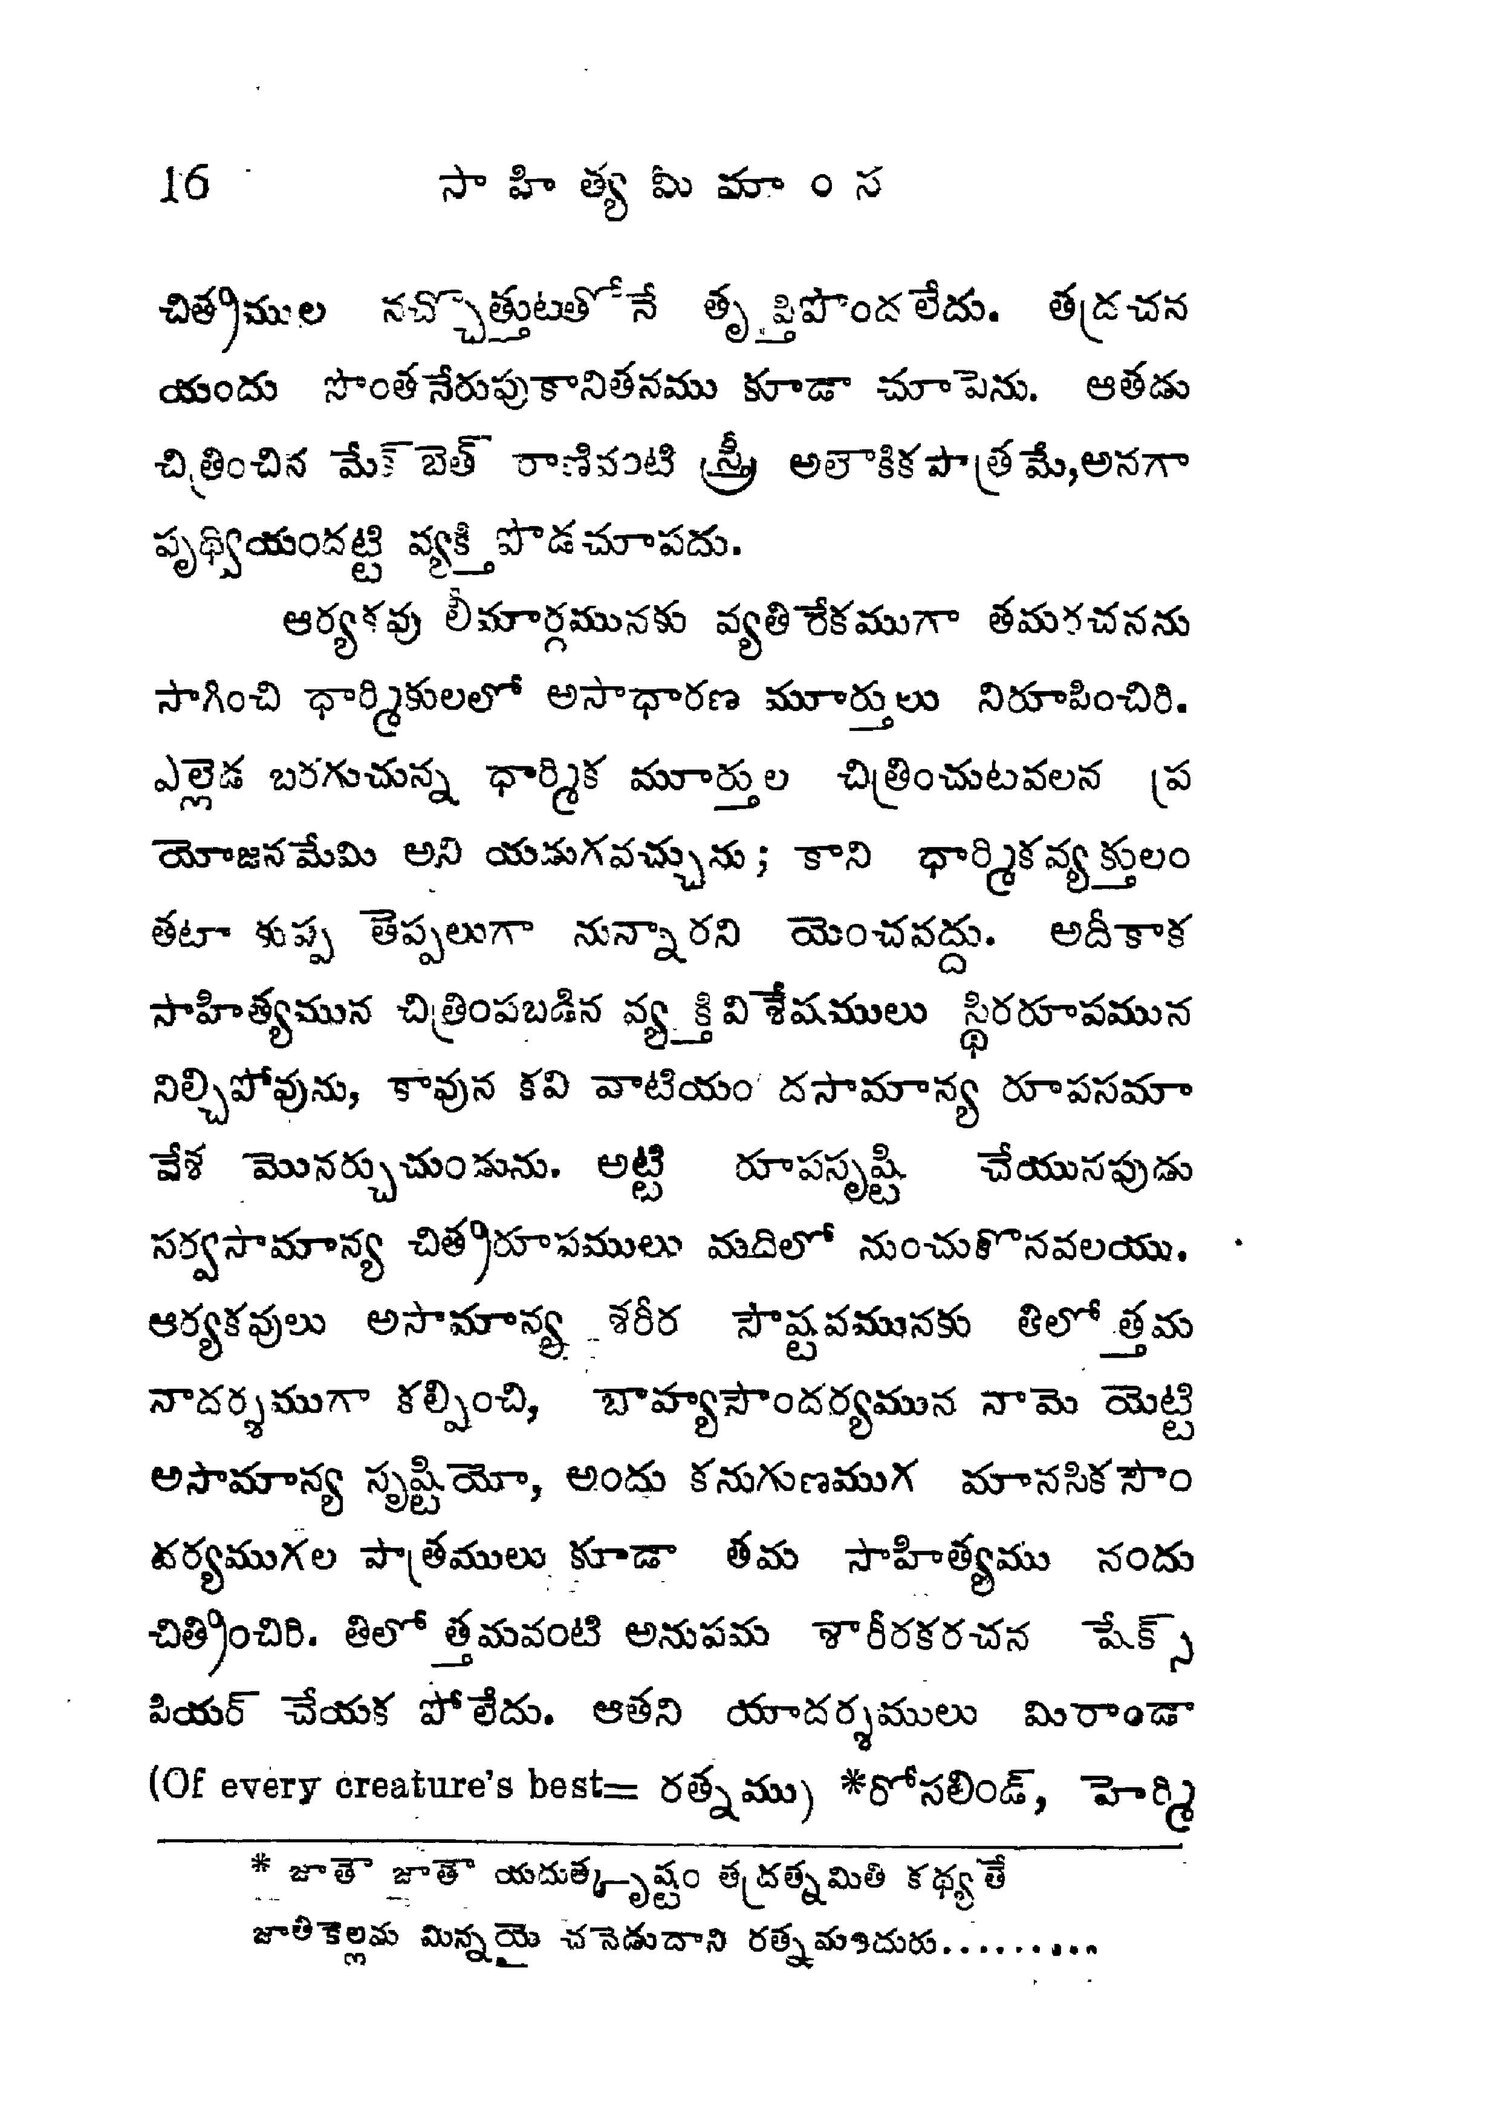చిత్రముల నచ్చొత్తుటతోనే తృప్తిపొందలేదు. తద్రచన యందు సొంతనేరుపుకానితనము కూడా చూపెను. ఆతడు చిత్రించిన మేక్‌బెత్ రాణివంటి స్త్రీ అలౌకికపాత్రమే, అనగా పృథ్వియందట్టి వ్యక్తి పొడచూపదు.

ఆర్యకవు లీమార్గమునకు వ్యతిరేకముగా తమరచనను సాగించి ధార్మికులలో అసాధారణ మూర్తులు నిరూపించిరి. ఎల్లెడ బరగుచున్న ధార్మిక మూర్తుల చిత్రించుటవలన ప్రయోజనమేమి అని యడుగవచ్చును; కాని ధార్మికవ్యక్తులంతటా కుప్ప తెప్పలుగా నున్నారని యెంచవద్దు. అదీకాక సాహిత్యమున చిత్రింపబడిన వ్యక్తివిశేషములు స్థిరరూపమున నిల్చిపోవును, కావున కవి వాటియం దసామాన్య రూపసమావేశ మొనర్చుచుండును. అట్టి రూపసృష్టి చేయునపుడు సర్వసామాన్య చిత్రరూపములు మదిలో నుంచుకొనవలయు. ఆర్యకవులు అసామాన్య శరీర సౌష్టవమునకు తిలోత్తమ నాదర్శముగా కల్పించి, బాహ్యసౌందర్యమున నామె యెట్టి అసామాన్య సృష్టియో, అందు కనుగుణముగ మానసికసౌందర్యముగల పాత్రములు కూడా తమ సాహిత్యము నందు చిత్రించిరి. తిలోత్తమవంటి అనుపమ శారీరకరచన షేక్స్‌పియర్ చేయక పోలేదు. ఆతని యాదర్శములు మిరాండా ( Of every creature's best=రత్నము) * రోసలిండ్, హెర్మి